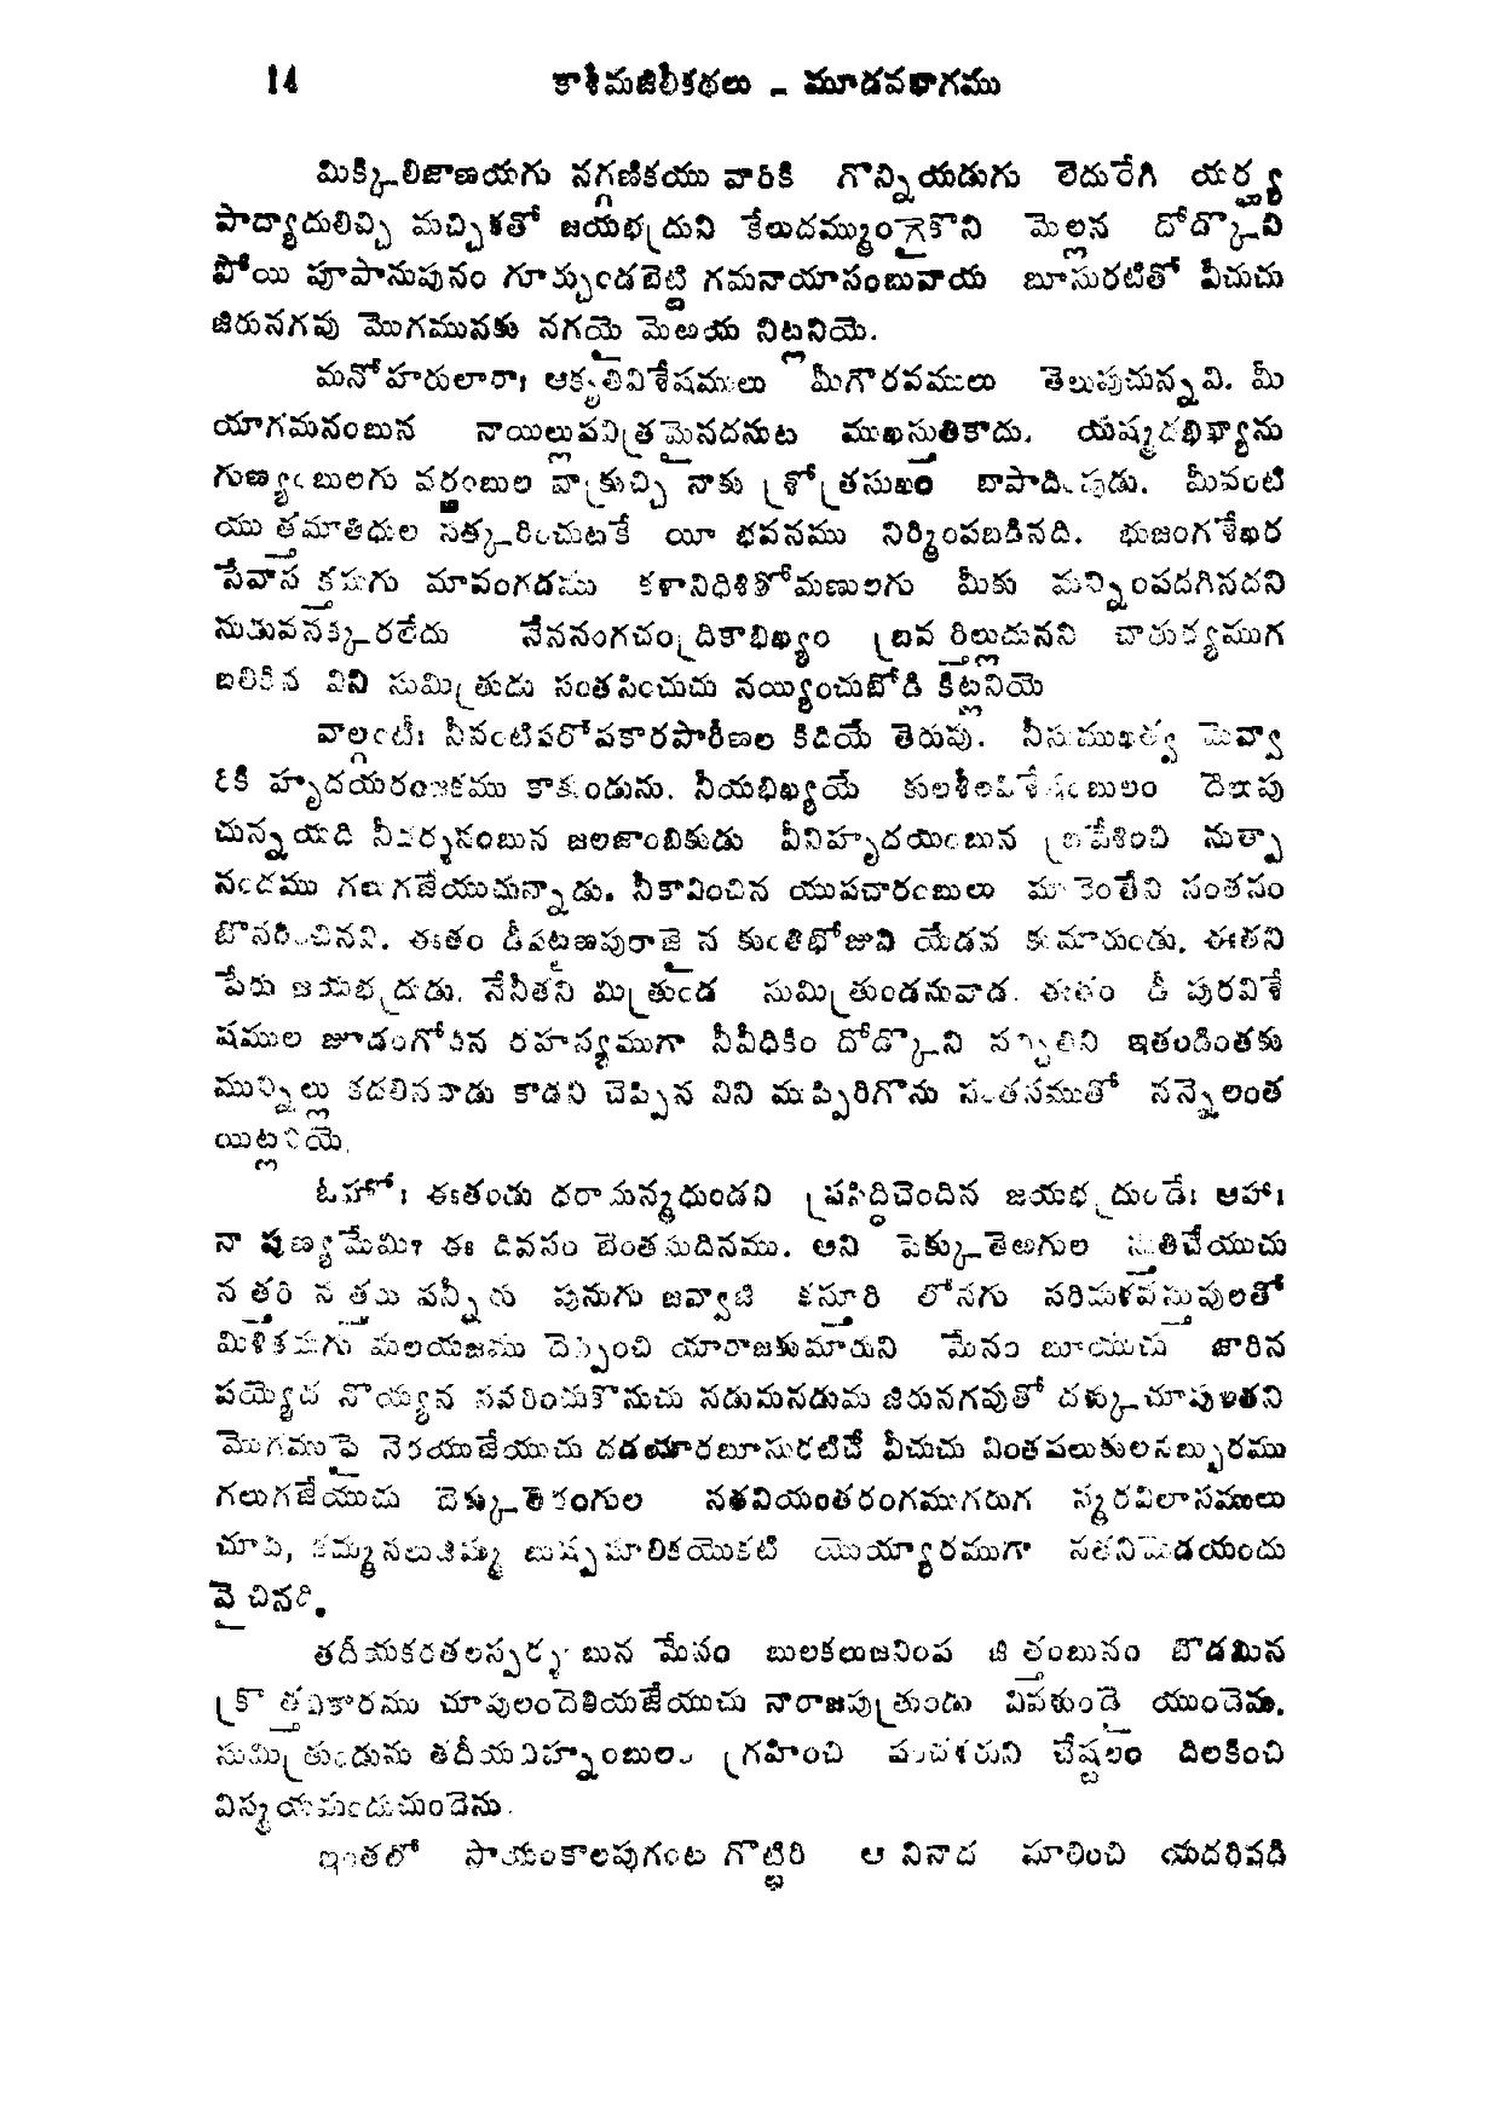మిక్కిలిజాణయగు నగ్గణికయు వారికి గొన్నియడుగు లెదురేగి యర్ఘ్యపాద్యాదులిచ్చి మచ్చికతో జయభద్రుని కేలుదమ్ముంగైకొని మెల్లన దోడ్కొనిపోయి పూపానుపునం గూర్చుండబెట్టి గమనాయాసంబువాయ బూసురటితో వీచుచు జిరునగవు మొగమునకు నగయై మెఱయ నిట్లనియె.

మనోహరులారా! ఆకృతివిశేషములు మీగౌరవములు తెలుపుచున్నవి. మీ యాగమనంబున నాయిల్లు పవిత్రమైనదనుట ముఖస్తుతికాదు. యష్మదభిఖ్యానుగుణ్యంబులగు వర్ణంబుల వాక్రుచ్చి నాకు శ్రోత్రసుఖం బాపాదింపుడు. మీవంటి యుత్తమాతిధుల సత్కరించుటకే యీ భవనము నిర్మింపబడినది. భుజంగశేఖరసేవాసక్తమగు మావంగడము కళానిధిశిరోమణులగు మీకు మన్నింపదగినదని
నుడువనక్కరలేదు. నేననంగచంద్రికాభిఖ్యం బ్రవర్తిల్లుదునని చాతుర్యముగ బలికిన విని సుమిత్రుడు సంతసించుచు నయ్యించుబోడి కిట్లనియె.

వాల్గంటీ! నీవంటిపరోపకారపారీణల కిదియే తెరువు. నీసుముఖత్వ మెవ్వారికి హృదయరంజకము కాకుండును. నీయభిఖ్యయే కులశీలవిశేషంబులం దెలుపుచున్నయది నీదర్శనంబున జలజాంబికుడు వీనిహృదయంబున బ్రవేశించి నుత్పానందము గలుగజేయుచున్నాడు. నీకావించిన యుపచారంబులు మాకెంతేని సంతసం బొనరించినవి. ఈతం డీపట్టణపురాజైన కుంతిభోజుని యేడవ కుమారుండు. ఈతనిపేరు జయభద్రుడు. నేనీతని మిత్రుండ సుమిత్రుండనువాడ. ఈతం డీ పురవిశేషముల జూడంగోరిన రహస్యముగా నీవీథికిం దోడ్కొని వచ్చితిని ఇతండింతకు మున్నిల్లు కదలినవాడు కాడని చెప్పిన విని ముప్పిరిగొను సంతసముతో నన్నెలంత యిట్లనియె.

ఓహో! ఈతండు ధరామన్మధుండని ప్రసిద్దిచెందిన జయభద్రుండే! ఆహా! నా పుణ్యమేమి? ఈ దివసం బెంతసుదినము. అని పెక్కుతెఱగుల స్తుతిచేయుచు నత్తరి నత్తరు పన్నీరు పునుగు జవ్వాజి కస్తూరి లోనగు పరిమళవస్తువులతో మిళితమగు మలయజము దెప్పించి యారాజకుమారుని మేనం బూయుచు జారిన పయ్యెద నొయ్యన సవరించుకొనుచు నడుమనడుమ జిరునగవుతో దళ్కుచూపు లతనిమొగముపై నెరయుజేయుచు దడయార బూసురటిచే వీచుచు వింతపలుకుల నబ్బురము గలుగజేయుచు
బెక్కుతెరంగుల నతనియంతరంగముగరుగ స్మరవిలాసములు చూపి, కమ్మనలుజిమ్మ బుష్పమాలికయొకటి యొయ్యారముగా నతనిమెడయందు వైచినది.

తదీయకరతలస్పర్శంబున మేనం బులకలుజనింప జిత్తంబునం బొడమిన క్రొత్తవికారము చూపులం దెలియజేయుచు నారాజపుత్రుండు వివశుండై యుండెను. సుమిత్రుండును తదీయచిహ్నంబులం గ్రహించి పంచేశరుని చేష్టలం దిలకించి విస్మయమందుచుండెను.

ఇంతలో సాయంకాలపుగంట గొట్టిరి ఆనినాద మాలించి యదరిపడి